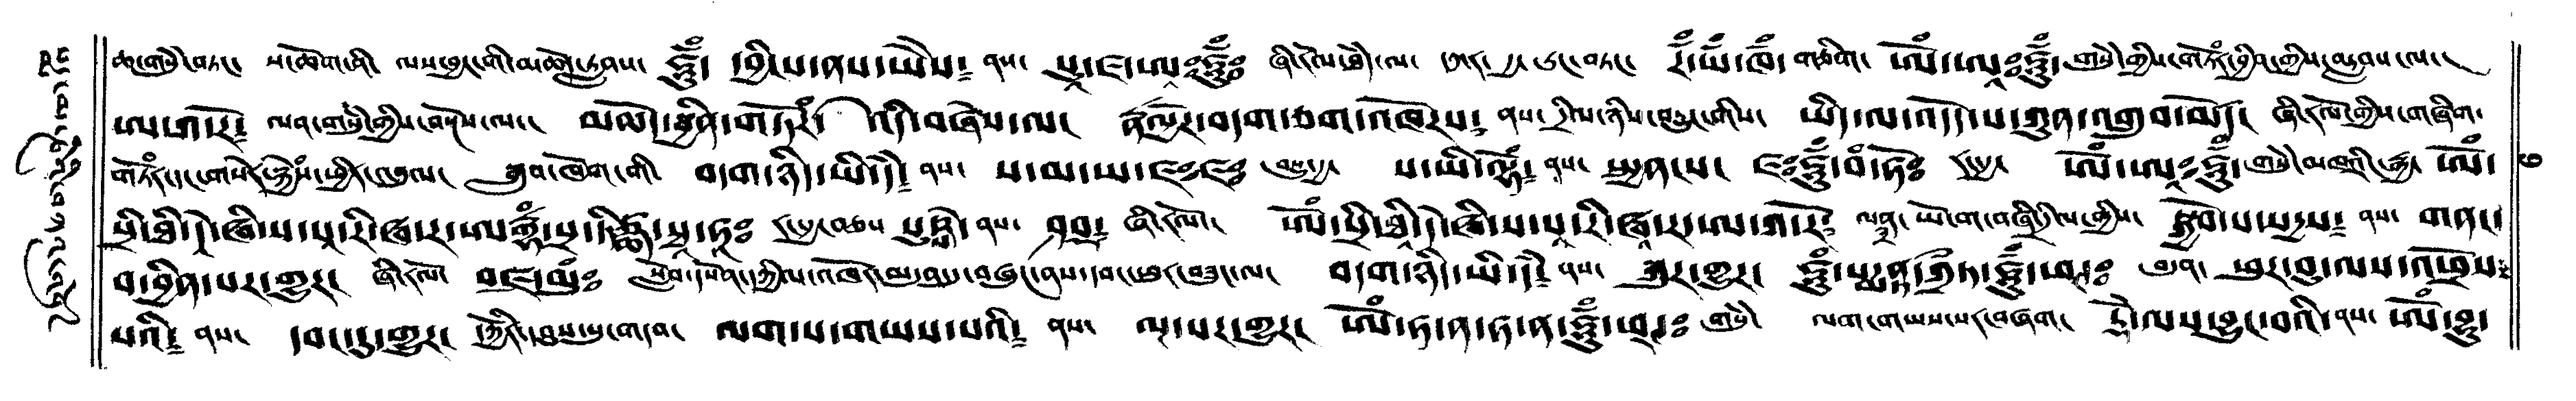ཆ་གསུམ་གཏང་། ས་ཆོག་ནི། ལས་བྱང་གི་མཆོད་རླབས། ཧཱུྃཿ དབྱིངས་ནས་ཡེ་ཤེས༴ ནས། པཱུ་ཛ་ཨཱཿཧཱུྃཿ ཞི་རོལ་ཐམས་ཅད་ལ། དཀར། རྒྱ། དུང་གཏང་། རྃ་ཡྃ་ཁྃ། གཅིག ཨོཾ་ཨཱཿཧཱུྃ། གསུམ་གྱིས་གཏོར་མ་བྱིན་གྱིས་བརླབ། 
ཨ་ཀ་རོ༴ ལན་གསུམ་གྱིས་བསྔོས་ལ། མཆོད་སྦྱིན་གཏོར་མ་འདི་བཞེས་ལ། རྣལ་འབྱོར་བདག་ཅག་འཁོར༴ ནས། དྲིལ་ཉིས་རྡུང་གིས། ཡིད་ལ་འདོད་པ་ཀུན་འགྲུབ་མཛོད། ཞི་རོལ་གྱིས་གཞི་བདག་
གཏོར་མ་དང་གསེར་སྐྱེམས་ཕྱིར་འབུལ། སྒྲུབ་ཁོག་གི བདག་ཉིད་ཡི་དམ༴ ནས། ས་མ་ཡ་ཛཿཛཿ བསྡུ་རྒྱ། ས་ཡི་ལྷ་མོ༴ ནས། སྤྱན་དྲངས། ཛཿཧཱུྃ་བཾ་ཧོཿ རང་རྒྱ། ཨོཾ་ཨཱཿཧཱུྃ། གསུམ་མཁའ་ལྡིང་རྒྱ། ཨོཾ་
པྲི་ཐི་དཱེ་ཝི་ས་པཱ་རི་ཝ་ར་ཨརྒྷཾ་པྲ་ཏིཙྪ་སྭ་ཧཱཿརང་རྒྱ་བཅས། པུཥྤེ་ནས། ཤབྡ༴ ཞི་རོལ། ཨོཾ་པྲི་ཐཱི་དེ་ཝི་ས་པཱ་རི་ཝཱ་ར་ཨ་ཀ་རོ༴ ལན་གསུམ། ཡོ་ག་བཞི་དྲིལ་གྱིས། སྐྱོབ་པ་སངས་རྒྱས༴ ནས། གནང་
བ་བྱིན་པར་གྱུར། ཞི་རོལ། བཛྲ་མུཾཿ སློབ་དཔོན་དཀྱིལ་འཁོར་མདུན་དུ་བཞུགས་ནས་དབང་ཕུར་བཟུང་ལ། བདག་ཉིད་ཡི་དམ༴ ནས། སྐུར་གྱུར། ཧཱུཾ་པདྨནྟ་ཀྲྀ་ཏ་ཧཱུྃ་ཕཊཿ ཕུར་བུ་ལས་འཕྲོས་
པའི༴ ནས། དབང་དུ་གྱུར། དཀྱིལ་འཁོར་དབུས་སུ་གདབ། ལག་པ་གཡས་པའི༴ ནས། ལྔ་པར་གྱུར། ཨོཾ་ཧ་ན་ཧ་ན་ཧཱུྃ་ཕཊ༔ ལན་གསུམ། ལག་གཡས་པར་བཞག རྡོ་རྗེ་ལས་བྱུང་བའི་ནས། ཨོཾ་བྷུ་